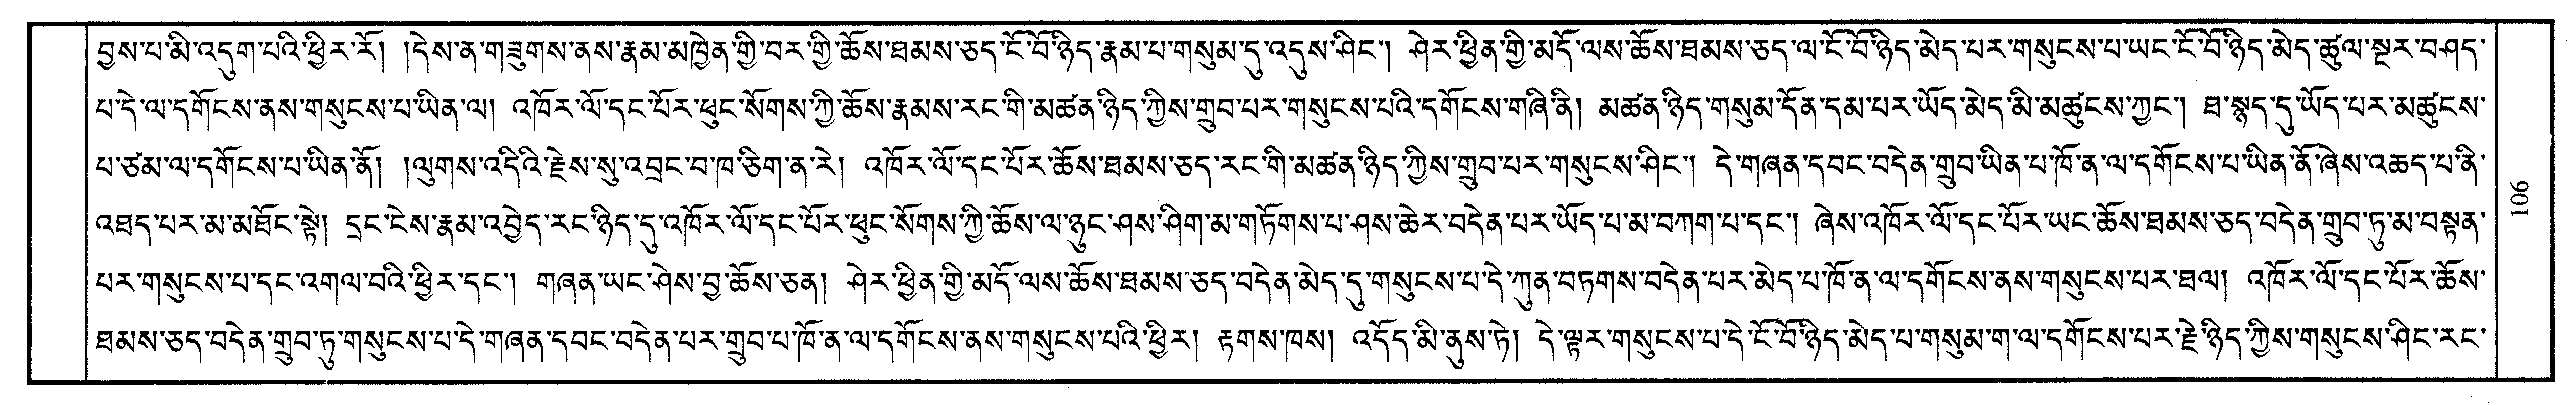བྱས་པ་མི་འདུག་པའི་ཕྱིར་རོ། །དེས་ན་གཟུགས་ནས་རྣམ་མཁྱེན་གྱི་བར་གྱི་ཆོས་ཐམས་ཅད་ངོ་བོ་ཉིད་རྣམ་པ་གསུམ་དུ་འདུས་ཤིང་། ཤེར་ཕྱིན་གྱི་མདོ་ལས་ཆོས་ཐམས་ཅད་ལ་ངོ་བོ་ཉིད་མེད་པར་གསུངས་པ་ཡང་ངོ་བོ་ཉིད་མེད་ཚུལ་སྔར་བཤད་
པ་དེ་ལ་དགོངས་ནས་གསུངས་པ་ཡིན་ལ། འཁོར་ལོ་དང་པོར་ཕུང་སོགས་ཀྱི་ཆོས་རྣམས་རང་གི་མཚན་ཉིད་ཀྱིས་གྲུབ་པར་གསུངས་པའི་དགོངས་གཞི་ནི། མཚན་ཉིད་གསུམ་དོན་དམ་པར་ཡོད་མེད་མི་མཚུངས་ཀྱང་། ཐ་སྙད་དུ་ཡོད་པར་མཚུངས་
པ་ཙམ་ལ་དགོངས་པ་ཡིན་ནོ། །ལུགས་འདིའི་རྗེས་སུ་འབྲང་བ་ཁ་ཅིག་ན་རེ། འཁོར་ལོ་དང་པོར་ཆོས་ཐམས་ཅད་རང་གི་མཚན་ཉིད་ཀྱིས་གྲུབ་པར་གསུངས་ཤིང་། དེ་གཞན་དབང་བདེན་གྲུབ་པ་ཁོ་ན་ལ་དགོངས་པ་ཡིན་ནོ་ཞེས་འཆད་པ་ནི་
འཐད་པར་མ་མཐོང་སྟེ། དྲང་ངེས་རྣམ་འབྱེད་རང་ཉིད་དུ་འཁོར་ལོ་དང་པོར་ཕུང་སོགས་ཀྱི་ཆོས་ལ་ཉུང་ཤས་ཤིག་མ་གཏོགས་པ་ཤས་ཆེར་བདེན་པར་ཡོད་པ་མ་བཀག་པ་དང་། ཞེས་འཁོར་ལོ་དང་པོར་ཡང་ཆོས་ཐམས་ཅད་བདེན་གྲུབ་ཏུ་མ་བསྟན་
པར་གསུངས་པ་དང་འགལ་བའི་ཕྱིར་དང་། གཞན་ཡང་ཤེས་བྱ་ཆོས་ཅན། ཤེར་ཕྱིན་གྱི་མདོ་ལས་ཆོས་ཐམས་ཅད་བདེན་མེད་དུ་གསུངས་པ་དེ་ཀུན་བཏགས་བདེན་པར་མེད་པ་ཁོ་ན་ལ་དགོངས་ནས་གསུངས་པར་ཐལ། འཁོར་ལོ་དང་པོར་ཆོས་
ཐམས་ཅད་བདེན་གྲུབ་ཏུ་གསུངས་པ་དེ་གཞན་དབང་བདེན་པར་གྲུབ་པ་ཁོ་ན་ལ་དགོངས་ནས་གསུངས་པའི་ཕྱིར། རྟགས་ཁས། འདོད་མི་ནུས་ཏེ། དེ་ལྟར་གསུངས་པ་དེ་ངོ་བོ་ཉིད་མེད་པ་གསུམ་ག་ལ་དགོངས་པར་རྗེ་ཉིད་ཀྱིས་གསུངས་ཤིང་རང་